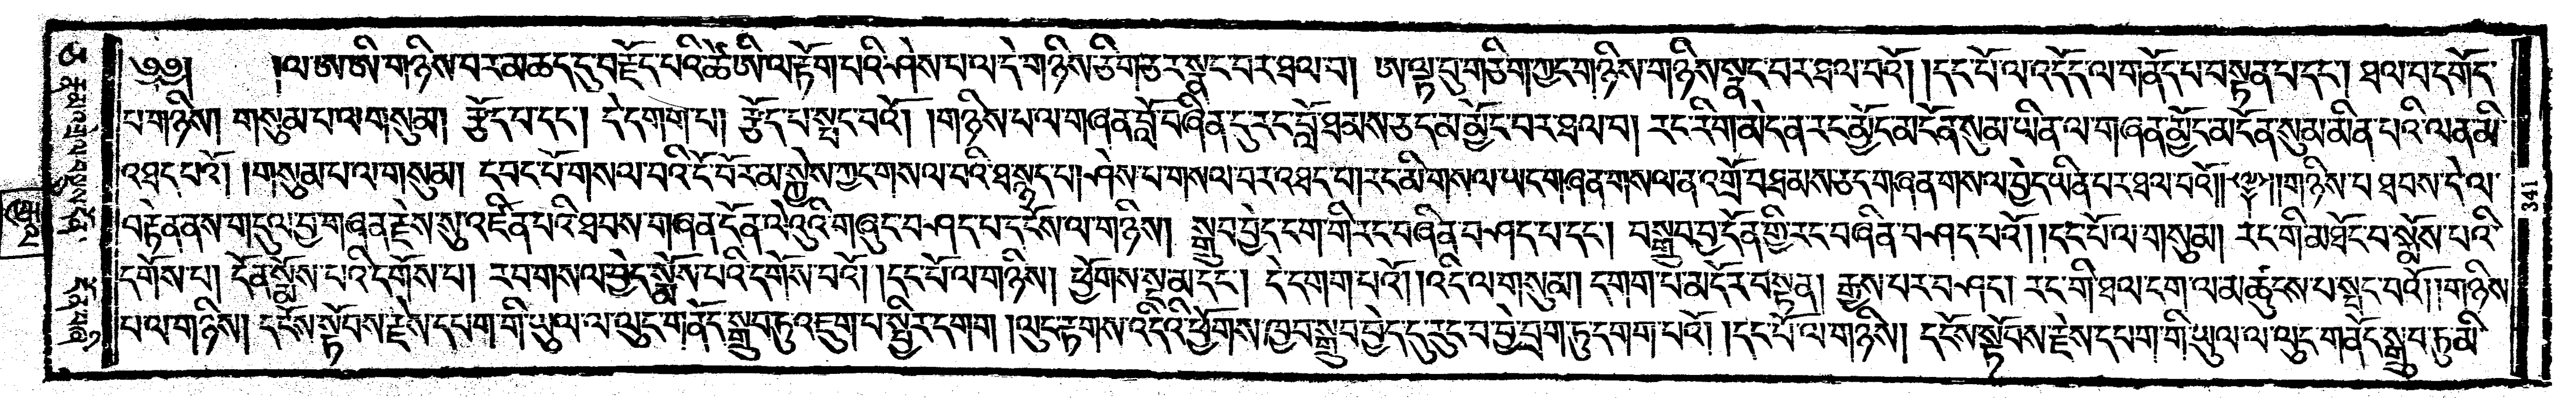༄༅། །ལ་ཨ་ཨི་གཉིས་བར་མ་ཆད་དུ་བརྗོད་པའི་ཚེ་ཨི་ལ་རྟོག་པའི་ཤེས་པ་ལ་དེ་གཉིས་ཅིག་ཅར་སྣང་བར་ཐལ་བ། ཨ་ལྟ་བུ་གཅིག་ཀྱང་གཉིས་གཉིས་སྣང་བར་ཐལ་བའོ། །དང་པོ་ལ་འདོད་ལ་གནོད་པ་བསྟན་པ་དང་། ཐལ་བ་དགོད་
པ་གཉིས། གསུམ་པ་ལ་གསུམ། རྩོད་པ་དང་། དེ་དགག་པ། རྩོད་པ་སྤང་བའོ། །གཉིས་པ་ལ་གཞན་བློ་བཞིན་དུ་རང་བློ་ཐམས་ཅད་མ་མྱོང་བར་ཐལ་བ། རང་རིག་མེད་ན་རང་མྱོང་མངོན་སུམ་ཡིན་ལ་གཞན་མྱོང་མངོན་སུམ་མིན་པའི་ལན་མི་
འཐད་པའོ། །གསུམ་པ་ལ་གསུམ། དབང་པོ་གསལ་བའི་ངོ་བོར་མ་སྐྱེས་ཀྱང་གསལ་བའི་ཐ་སྙད་པ། ཤེས་པ་གསལ་བར་འཐད་པ། རང་མི་གསལ་ཡང་གཞན་གསལ་ན་འགྲོ་བ་ཐམས་ཅད་གཞན་གསལ་བྱེད་ཡིན་པར་ཐལ་བའོ།། ༈ །།གཉིས་པ་ཐབས་དེ་ལ་
བརྟེན་ནས་གདུལ་བྱ་གཞན་རྗེས་སུ་འཛིན་པའི་ཐབས་གཞན་དོན་ལེའུའི་གཞུང་བཤད་པ་དངོས་ལ་གཉིས། སྒྲུབ་བྱེད་ངག་གི་རང་བཞིན་བཤད་པ་དང་། བསྒྲུབ་བྱ་དོན་གྱི་རང་བཞིན་བཤད་པའོ། །དང་པོ་ལ་གསུམ། རང་གི་མཐོང་བ་སྨོས་པའི་
དགོས་པ། དོན་སྨོས་པའི་དགོས་པ། རབ་གསལ་བྱེད་སྨོས་པའི་དགོས་པའོ། །དང་པོ་ལ་གཉིས། ཕྱོགས་སྔ་མ་དང་། དེ་དགག་པའོ། །འདི་ལ་གསུམ། དགག་པ་མདོར་བསྟན། རྒྱས་པར་བཤད། རང་གི་ཐལ་ངག་ལ་མཚུངས་པ་སྤང་བའོ། །གཉིས་
པ་ལ་གཉིས། དངོས་སྟོབས་རྗེས་དཔག་གི་ཡུལ་ལ་ལུང་གནོད་སྒྲུབ་ཏུ་འཇུག་པ་སྤྱིར་དགག །ལུང་རྟགས་འདིའི་ཕྱོགས་ཁྱབ་སྒྲུབ་བྱེད་དུ་རུང་བ་བྱེ་བྲག་ཏུ་དགག་པའོ། །དང་པོ་ལ་གཉིས། དངོས་སྟོབས་རྗེས་དཔག་གི་ཡུལ་ལ་ལུང་གནོད་སྒྲུབ་ཏུ་མི་